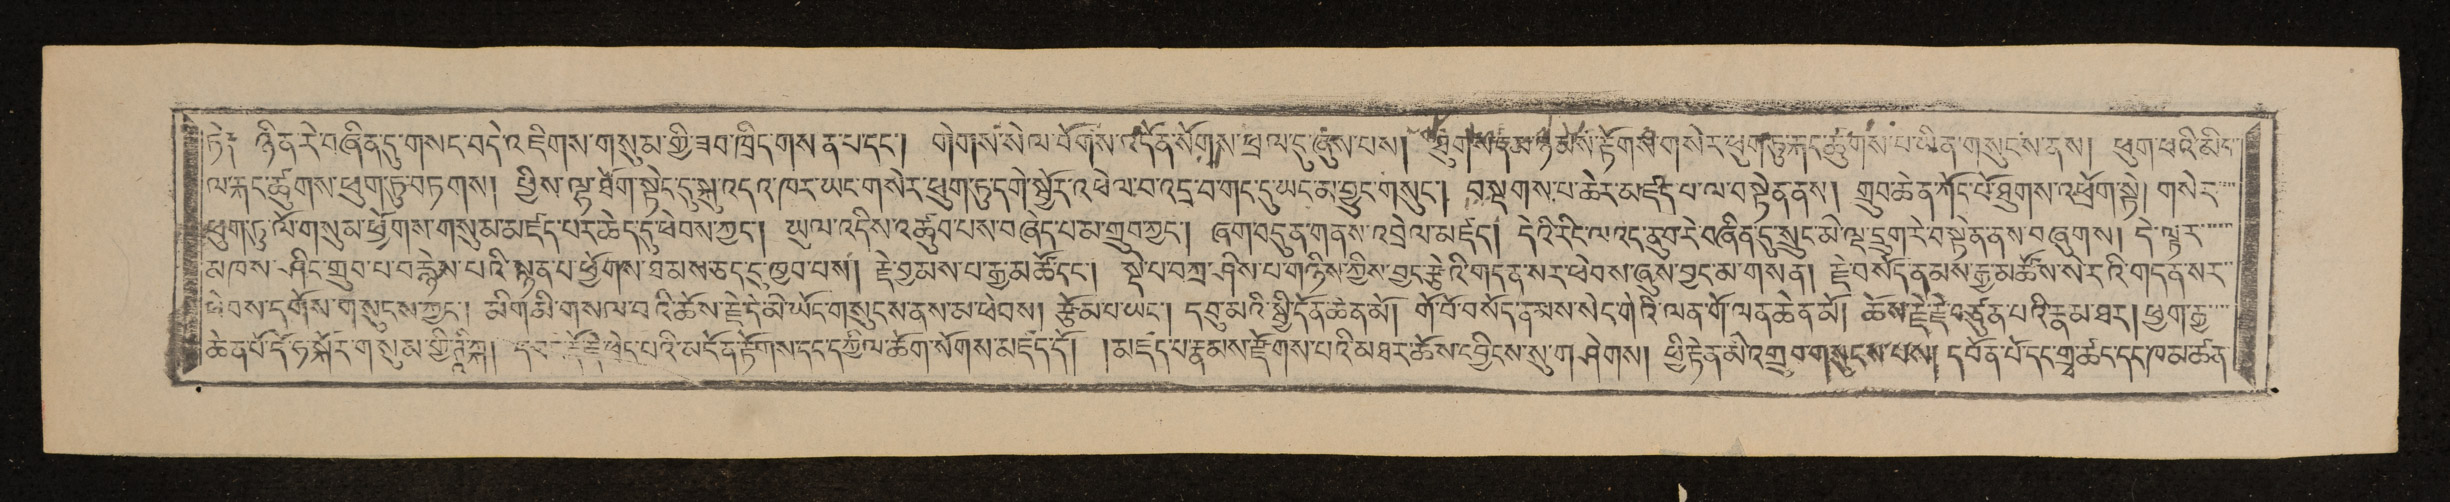ཏེ༑ ཉིན་རེ་བཞིན་དུ་གསང་བདེ་འཇིགས་གསུམ་གྱི་ཟབ་ཁྲིད་གསན་པ་དང་། གེགས་སེལ་བོགས་འདོན་སོགས་ཕྲལ་དུ་ཞུས་པས། ཐུགས་དམ་ཉམས་རྟོགས་གསེར་ཕུག་ཏུ་རྐང་ཚུགས་པ་ཡིན་གསུངས་ནས། ཕུག་པའི་མིང་
ལ་རྐང་ཚུགས་ཕུག་ཏུ་བཏགས། ཕྱིས་ལྷ་ཐོག་སྟེང་དུ་སྐུ་འདའ་ཁར་ཡང་གསེར་ཕུག་ཏུ་དགེ་སྦྱོར་འཕེལ་བ་འདྲ་བ་གང་དུ་ཡང་མ་བྱུང་གསུང་། བསྔགས་པ་ཆེར་མཛད་པ་ལ་བསྟེན་ནས། གྲུབ་ཆེན་ཀོང་པོ་ཐུགས་འཕྲོག་སྟེ། གསེར་
ཕུག་ཏུ་ལོ་གསུམ་ཕྱོགས་གསུམ་མཛད་པར་ཆེད་དུ་ཕེབས་ཀྱང་། ཡུལ་འདིས་འཚུབ་པས་བཞེད་པ་མ་གྲུབ་ཀྱང་། ཞག་བདུན་གནས་འབྲེལ་མཛད། དེའི་རིང་ལའང་ནུབ་རེ་བཞིན་དུ་སྲུང་མི་ལྔ་དྲུག་རེ་བསྟེན་ནས་བཞུགས། དེ་ལྟར་
མཁས་ཤིང་གྲུབ་པ་བརྙེས་པའི་སྙན་པ་ཕྱོགས་ཐམས་ཅད་དུ་ཁྱབ་པས། རྗེ་བྱམས་པ་རྒྱ་མཚོ་དང་། སྡེ་པ་བཀྲ་ཤིས་པ་གཉིས་ཀྱིས་བྱང་རྩེའི་གདན་སར་ཕེབས་ཞུས་ཀྱང་མ་གསན། རྗེ་བསོད་ནམས་རྒྱ་མཚོས་སེ་རའི་གདན་སར་
ཕེབས་དགོས་གསུངས་ཀྱང་། མིག་མི་གསལ་བའི་ཆོས་རྗེ་དེ་མི་ཡོང་གསུངས་ནས་མ་ཕེབས། རྩོམ་པ་ཡང་། དབུ་མའི་སྤྱི་དོན་ཆེན་མོ། གོ་བོ་བསོད་ནམས་སེང་གེའི་ལན་གོ་ལན་ཆེན་མོ། ཆོས་རྗེ་རྗེ་བཙུན་པའི་རྣམ་ཐར། ཕྱག་རྒྱ་
ཆེན་པོ་དོ་ཧ་སྐོར་གསུམ་གྱི་ཊཱིཀྐ། དབང་རྡོ་རྗེ་ཕྲེང་བའི་མངོན་རྟོགས་དང་དཀྱིལ་ཆོག་སོགས་མཛད་དོ། །མཛད་པ་རྣམས་རྫོགས་པའི་མཐར་ཆོས་དབྱིངས་སུ་གཤེགས། ཕྱི་རྟེན་མི་འགྲུབ་གསུངས་པས། དཔོན་པོ་དང་གྲྭ་ཚང་དང་ཁམ་ཚན་